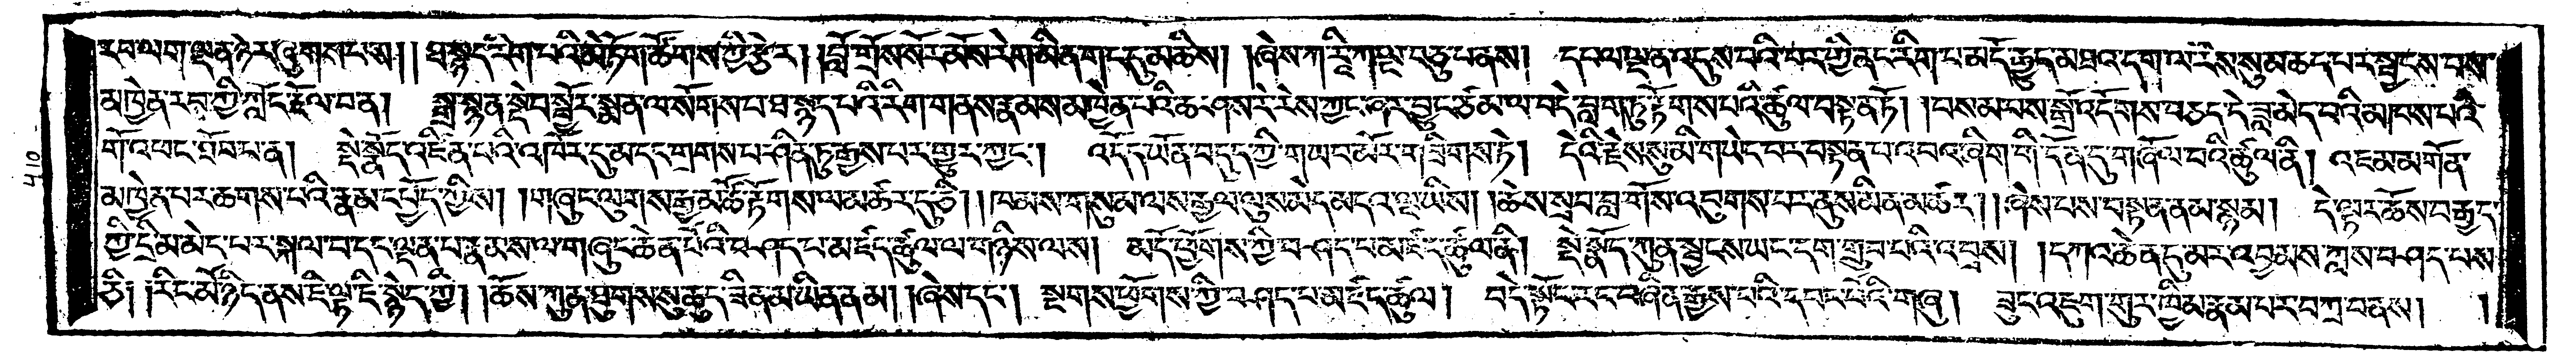རབ་ལག་ལྡན་ཉེར་ཞུགས་པས། །ཐ་སྙད་རིག་པའི་མེ་ཏོག་ཚོགས་ཀྱི་རྩེར། །བློ་གྲོས་སོར་མོས་རེག་མིན་གང་དུ་མཆིས། །ཞེས་ཀ་རཱི་ཀ་ལྔ་བཅུ་པ་ནས། དཔལ་ལྡན་འདུས་པའི་བར་གྱི་ནང་རིག་པ་མདོ་རྒྱུད་མཐའ་དག་ལ་རིས་སུམ་ཆད་པར་སྦྱངས་པས་
མཁྱེན་རབ་ཀྱི་ཀློང་རྡོལ་བ་ན། སྒྲ་སྙན་སྡེ་བ་སྦྱོར་སྨན་ལ་སོགས་པ་ཐ་སྙད་པའི་རིག་གནས་རྣམས་མཁྱེན་པའི་ཆ་ཤས་རེ་རེས་ཀྱང་ཞར་བྱུང་ཙམ་ལ་བདེ་བླག་ཏུ་རྟོགས་པའི་ཚུལ་བསྟན་ཏོ། །བསམ་པས་སྒྲོ་འདོགས་བཅད་དེ་ཟླ་མེད་པའི་མཁས་པའི་
གོ་འཕང་ཐོབ་པ་ན། སྡེ་སྣོང་འཛིན་པའི་འཁོར་དུ་མ་དང་གྲགས་པ་ཤིན་ཏུ་རྒྱས་པར་གྱུར་ཀྱང་། འདོད་ཡོན་བདུད་ཀྱི་གཡབ་མོར་གཟིགས་ཏེ། དེའི་རྗེས་སུ་མི་གཡེང་བར་བསྟན་པ་འབའ་ཞིག་གི་དོན་དུ་གཞོལ་བའི་ཚུལ་ནི། འཇམ་མགོན་
མཁྱེན་པར་ཆགས་པའི་རྣམ་དཔྱོད་ཀྱིས། །གཞུང་ལུགས་རྒྱ་མཚོ་རྟོགས་ལ་མཚར་དུ་ཅི། །ཁམས་གསུམ་ལས་རྒྱལ་ལུས་མེད་མདའ་ལྔ་ཡིས། །ཆེས་སྲབ་བླ་གོས་འབུགས་པར་ནུས་མིན་མཚར། །ཞེས་པས་བསྟན་ནམ་སྙམ། དེ་ལྟར་ཆོས་བརྒྱད་
ཀྱི་དྲི་མ་མེད་པར་སྐལ་བ་དང་ལྡན་བ་རྣམས་ལ་གཞུང་ཆེན་པོའི་བཤད་པ་མཛད་ཚུལ་ལ་གཉིས་ལས། མདོ་ཕྱོགས་ཀྱི་བཤད་པ་མཛད་ཚུལ་ནི། སྡེ་སྣོད་ཀུན་སྦྱངས་ཡང་དག་གྲུབ་པའི་འབྲས། །དཀའ་ཆེན་དུ་མར་འབྱམས་ཀླས་བཤད་པས་
ཅི༑ ༑རིང་མོ་ཉིད་ནས་ཇི་ལྟ་ཇི་སྙེད་ཀྱི། །ཆོས་ཀུན་ཐུགས་སུ་ཆུད་ཟིན་མ་ཡིན་ནམ། །ཞེས་དང་། སྔགས་ཕྱོགས་ཀྱི་བཤད་པ་མཛད་ཚུལ། བདེ་སྟོང་རང་བཞིན་རྒྱས་པའི་དབང་བོའི་གཞུ། ཟུང་འཇུག་གུར་ཁྱིམ་རྣམ་པར་བཀྲ་བ་ནས། །